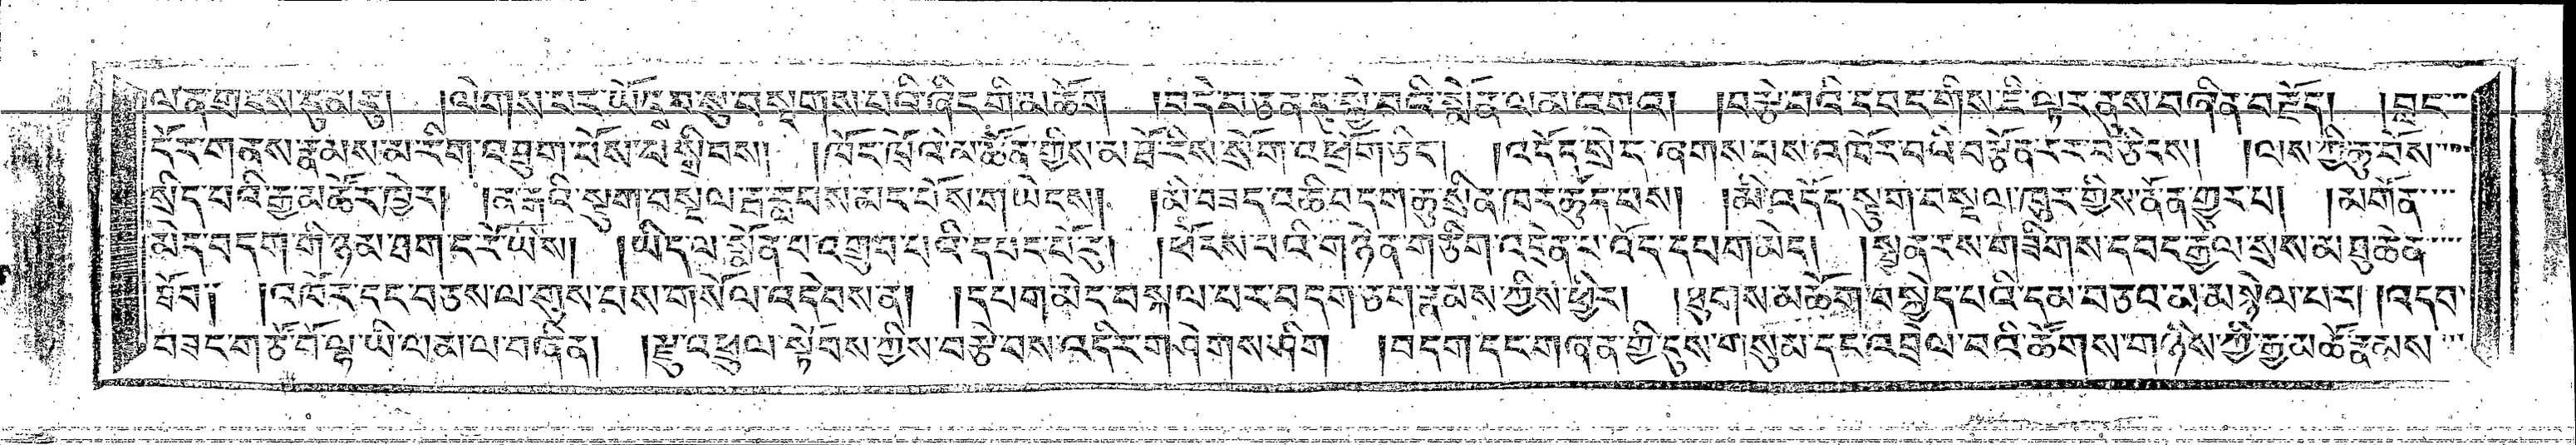ལན་གྲངས་དུ་མ་རུ། །ལེགས་པར་ཡོངས་སུ་བསྔགས་པའི་ཞིང་གི་མཆོག །བདེ་བ་ཅན་དུ་སྐྱེ་བའི་སྨོན་ལམ་འགའ། །བརྩེ་བའི་དབང་གིས་ཇི་ལྟར་ནུས་བཞིན་བརྗོད། །བླང་
དོར་གནས་རྣམས་མ་རིག་འཐུག་པོས་བསྒྲིབས། །ཁོང་ཁྲོའི་མཚོན་གྱིས་མཐོ་རིས་སྲོག་འཕྲོག་ཅིང་། །འདོད་སྲེད་ཞགས་པས་འཁོར་བའི་བརྩོན་རར་བཅིངས། །ལས་ཀྱི་ཆུ་བོས་
སྲིད་པའི་རྒྱ་མཚོར་ཁྱེར། །ན་རྒའི་སྡུག་བསྔལ་རྦ་རླབས་མང་པོས་གཡེངས། །མི་བཟད་འཆི་བདག་ཆུ་སྲིན་ཁར་ཚུད་པས། །མི་འདོད་སྡུག་བསྔལ་ཁུར་གྱིས་ནོན་གྱུར་པ། །མགོན་
མེད་བདག་གི་ཉམ་ཐག་ང་རོ་ཡིས། །ཡིད་ལ་སྨོན་པ་འགྲུབ་པའི་དབང་པོ་རུ། །ཕོངས་པའི་གཉེན་གཅིག་འདྲེན་པ་འོད་དཔག་མེད། །སྤྱན་རས་གཟིགས་དབང་རྒྱལ་སྲས་མཐུ་ཆེན་
ཐོབ༑ །འཁོར་དང་བཅས་ལ་གུས་པས་གསོལ་འདེབས་ན། །དཔག་མེད་བསྐལ་པར་བདག་ཅག་རྣམས་ཀྱིས་ཕྱིར། །ཐུགས་མཆོག་བསྐྱེད་པའི་དམ་བཅའ་མ་མྶྙེལ་པར། །འདབ་
བཟང་གཙོ་བོ་ལྷ་ཡི་ལམ་ལ་བཞིན། །རྫུ་འཕྲུལ་སྟོབས་ཀྱིས་བརྩེ་བས་འདིར་གཤེགས་ཤིག །བདག་དང་གཞན་གྱི་དུས་གསུམ་དང་འབྲེལ་བའི་ཚོགས་གཉིས་ཀྱི་རྒྱ་མཚོ་རྣམས་